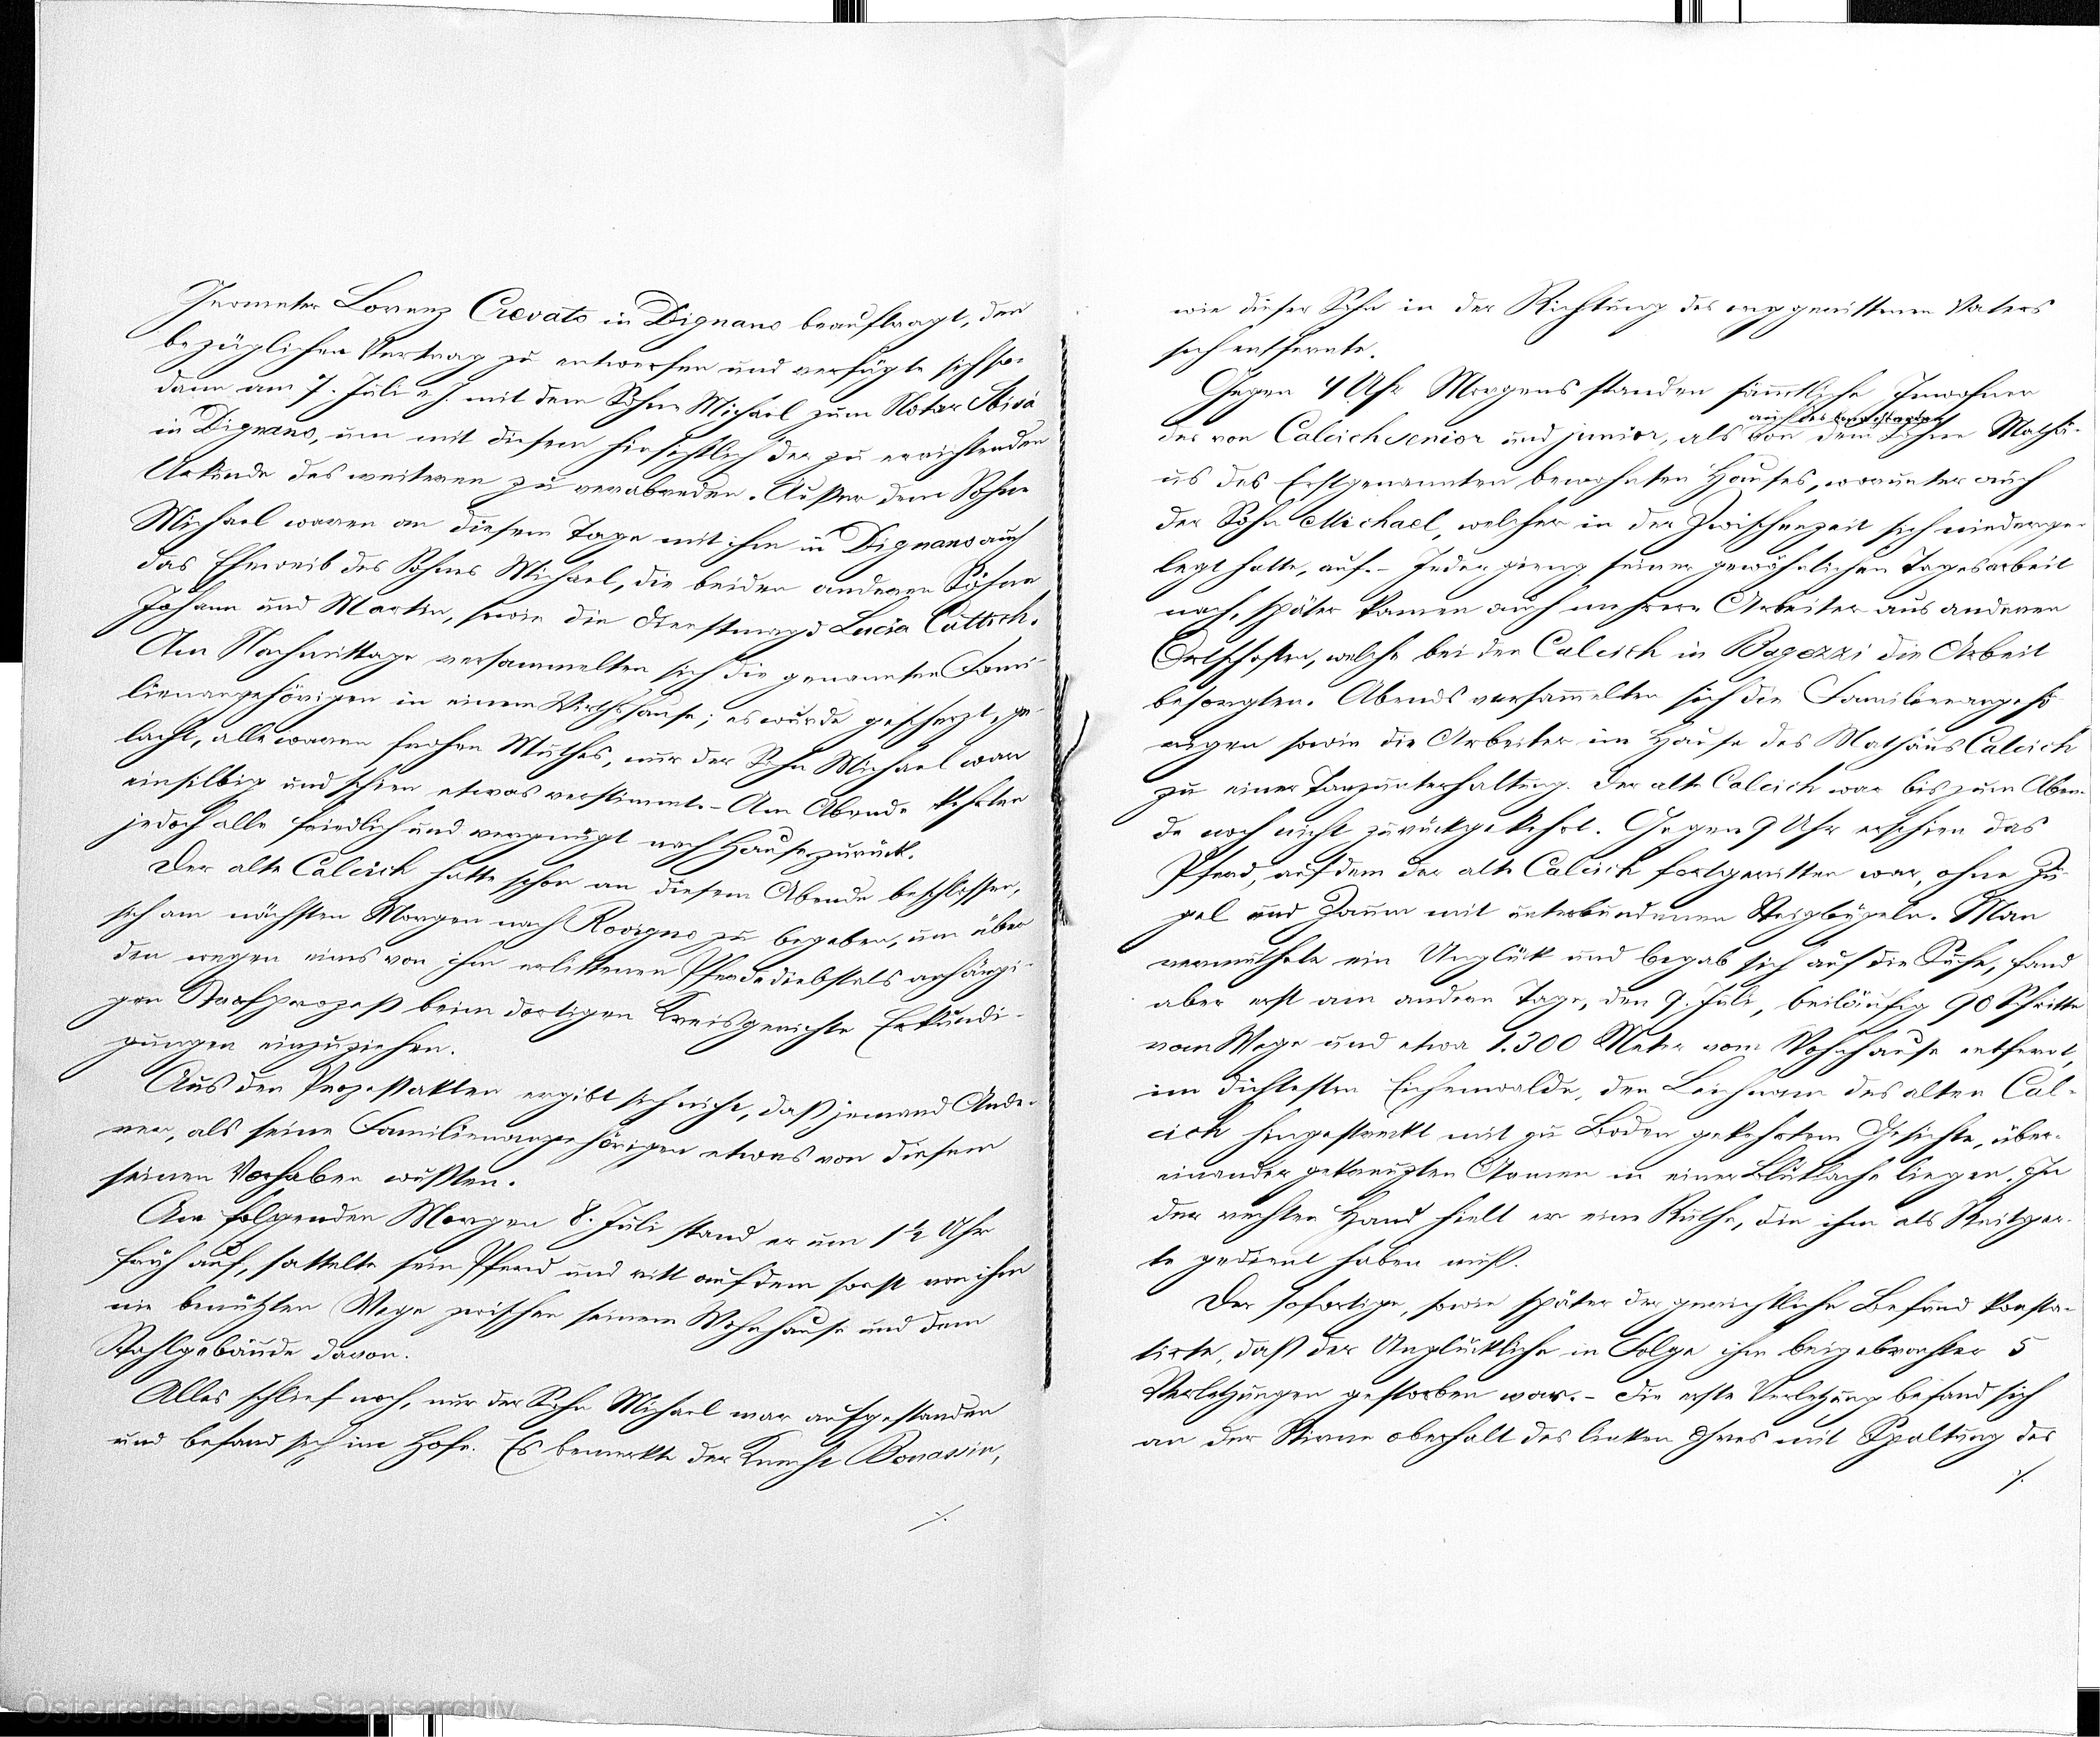Geometer Lorenz Crevato in Dignano beauftragt, den
bezüglichen Vertrag zu entwerfen und verfügte sich so¬
dann am 7. Juli v. J. mit dem Sohne Michael zum Notar Sbisá
in Dignano, um mit diesem hinsichtlich der zu errichtenden
Urkunde des weiteren zu verabreden. Außer dem Sohne
Michael waren an diesem Tage mit ihm in Dignano auf
das Eheweib des Sohnes Michael, die beiden anderen Söhne
Johann und Martin, sowie die Dienstmagd Lucia Calcich.
Am Nachmittage versammelten sich die genannten Fami¬
lienangehörigen in einem Wirthshause; es wurde gescherzt, ge¬
lacht, alle waren frohen Mathes, nur der Sohn Michael war
einsilbig und schien etwas verstimmte.- Am Abrede kehrten
jedoch alle friedlich und vergnügt nach Hause zurück.
Der alle Calcich hatte schon an diesem Abende beschlossen,
sich am nächsten Morgen nach Rovigno zu begeben, um über
den wegen eines von ihm erlittenen Pferde Diebstals anhängi¬
gen Strafprozeß beim dortigen Kreisgerichte Erkundi¬
gungen einzuziehen.
Aus den Prozeßakten ergibt sich nicht, daß jemand Ande¬
rer, als seine Familienangehörigen etwas von diesem
seinen Vorhaben wußten.
Am folgenden Morgen 8. Juli stand er um 1½ Uhr
früh auf, sattelte sein Pferd und ritt auf dem sonst von ihm
ein benähten Wege zwischen seinem Wohnhause und dem
Stahlgebäude davon.
Alles schlief noch, nur der Sohn Michael war aufgestanden
und befand sich im Hofe. Es bemerkte der Knecht Bonassin,
wie dieser Sohn in der Richtung des weggerissenen Vaters
sich entfernte.
Gegen 4 Uhr Morgens standen sämmtliche Inwohner
auf des benachbarten
des von Calcich senior und junior, als von dem Sohne Mathä¬
us des Erstgenannten bewohnten Hauses, worunter auch
der Sohn Michael, welcher in der Zwischenzeit sich niederge¬
legt hatte, auf.- Jeden gieng seiner gewöhnlichen Tagesarbeit
nach, später kamen auch mehrere Arbeiter aus anderen
Ortschaften, welche bei den Calcich in Bagezzi die Arbeit
besorgten. Abends versammelten sich die Familienangehö¬
rigen sowie die Arbeiter im Hause des Mathäus Calcich
zu einer Tanzunterhaltung. Der alte Calcich war bis zum Aben¬
de noch nicht zurückgekehrt. Gegen 9 Uhr erschien das
Pfand, auf dem der alte Calcich fortgeritten war, ohne Zü¬
gel und Zaum mit unterbundenen Steigbügeln. Man
vermuthete ein Unglück und begab sich auf die Suche, fand
aber erst am andern Tage, den 9. Juli, beiläufig 90 Schritte
vom Wege und etwa 1.300 Meter vom Wohnhause entfernt
im dichtesten Eichenwalde, den Leichnam des alter Cal¬
cich hingestreckt mit zu Boden gekehrten Gesichte, über¬
einander gekreuzten Armen in einer Blutlache liegen. In
der rechten Hand hielt er eine Ruthe, die ihm als Reitger¬
te gedient haben muß.
Der sofortige, sowie später der gerichtliche Befund konsta¬
tirte, daß der Unglückliche in Folge ihm beigebrachter 5
Verletzungen gestorben war.- Die erste Verletzung befand sich
an der Stirne oberhalt des linken Ohres mit Spaltung des